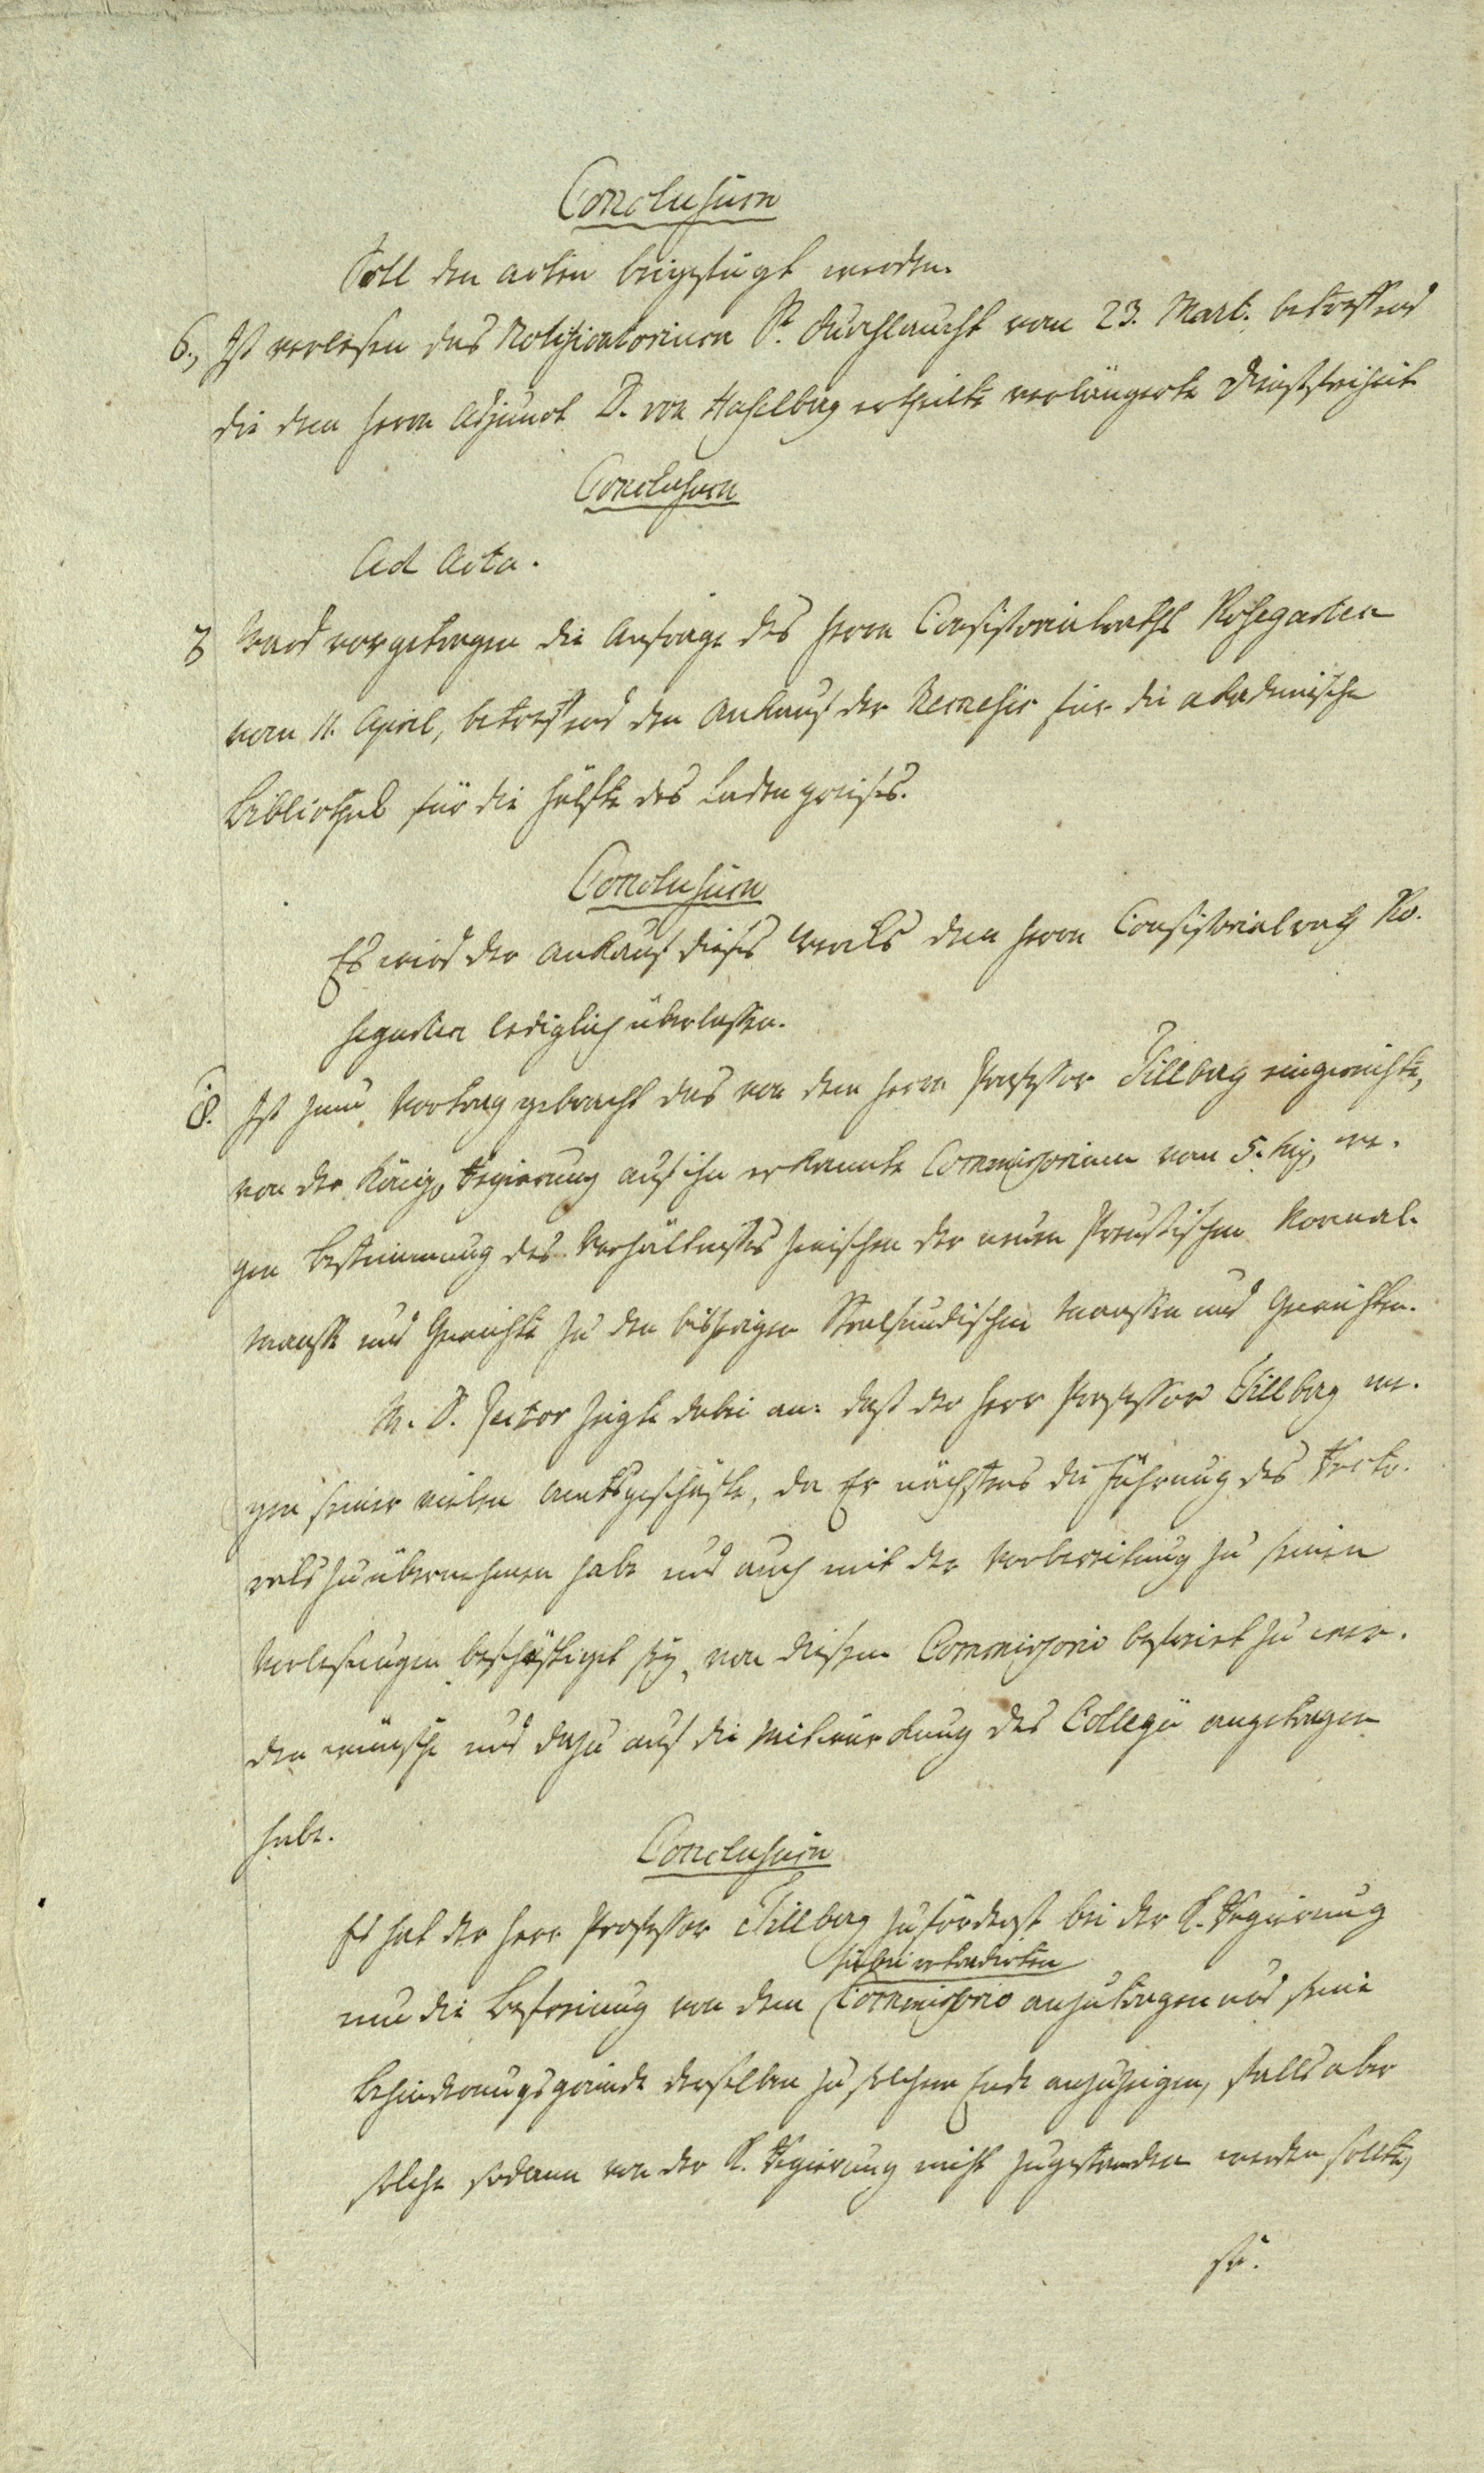Conclusum
Soll den Acten beigefügt werden.
6., Ist verlesen das Notificatorium Sr. Durchlaucht vom 23. Mart. betreffend
die dem Herrn Adjunct D. von Haselberg ertheilte verlängerte Dienstfreiheit
Conclusum
Ad Acta.
7, Ward vorgetragen die Anfrage des Herrn Consistorialtraths Kosegarten
vom 11. April, betreffend den Ankauf der Nemesis für die akademische
Bibliothek für die Hälfte des Ladenpreises.
Conclusum
Er wird der Ankauf dieses Wercks dem Herrn Consistorialrath Ko¬
segarten lediglich überlassen.
8. Ist zum Vortrag gebracht das von dem Herrn Professor Tillberg eingereichte,
von der Königl. Regierung auf ihn erkannte Commissorium vom 5. huj, we¬
gen Bestimmung des Verhältnisses zwischen der neuen Preußischen Normal¬
Maasse und Gewichte zu den bisherigen Stralsundischen Maassen und Gewichten.
M. D. Rector zeigte dabei an, daß der Herr Professor Tillberg we¬
gen seiner vielen Amtsgeschäfte, da Er nächstens die Führung des Recto¬
rats zu übernehmen habe und auch mit der Vorbereitung zu seinen
Vorlesungen beschäftiget seÿ, von diesem Commissorii befreiet zu wer¬
die wünsche und dazu auf die Mitwürkung des Collegii angetragen
habe.
Conclusum
Es hat der Herr Professor Tillberg zuförderst bei der K. Regierung
um die Befreiung von dem Commissorio anzutragen und seine
hiebei retradirten
Behinderungsgründe derselben zu solchem Ende anzuzeigen, falls aber
solche sodann von der K. Regierung nicht zugestanden werden sollte,
so